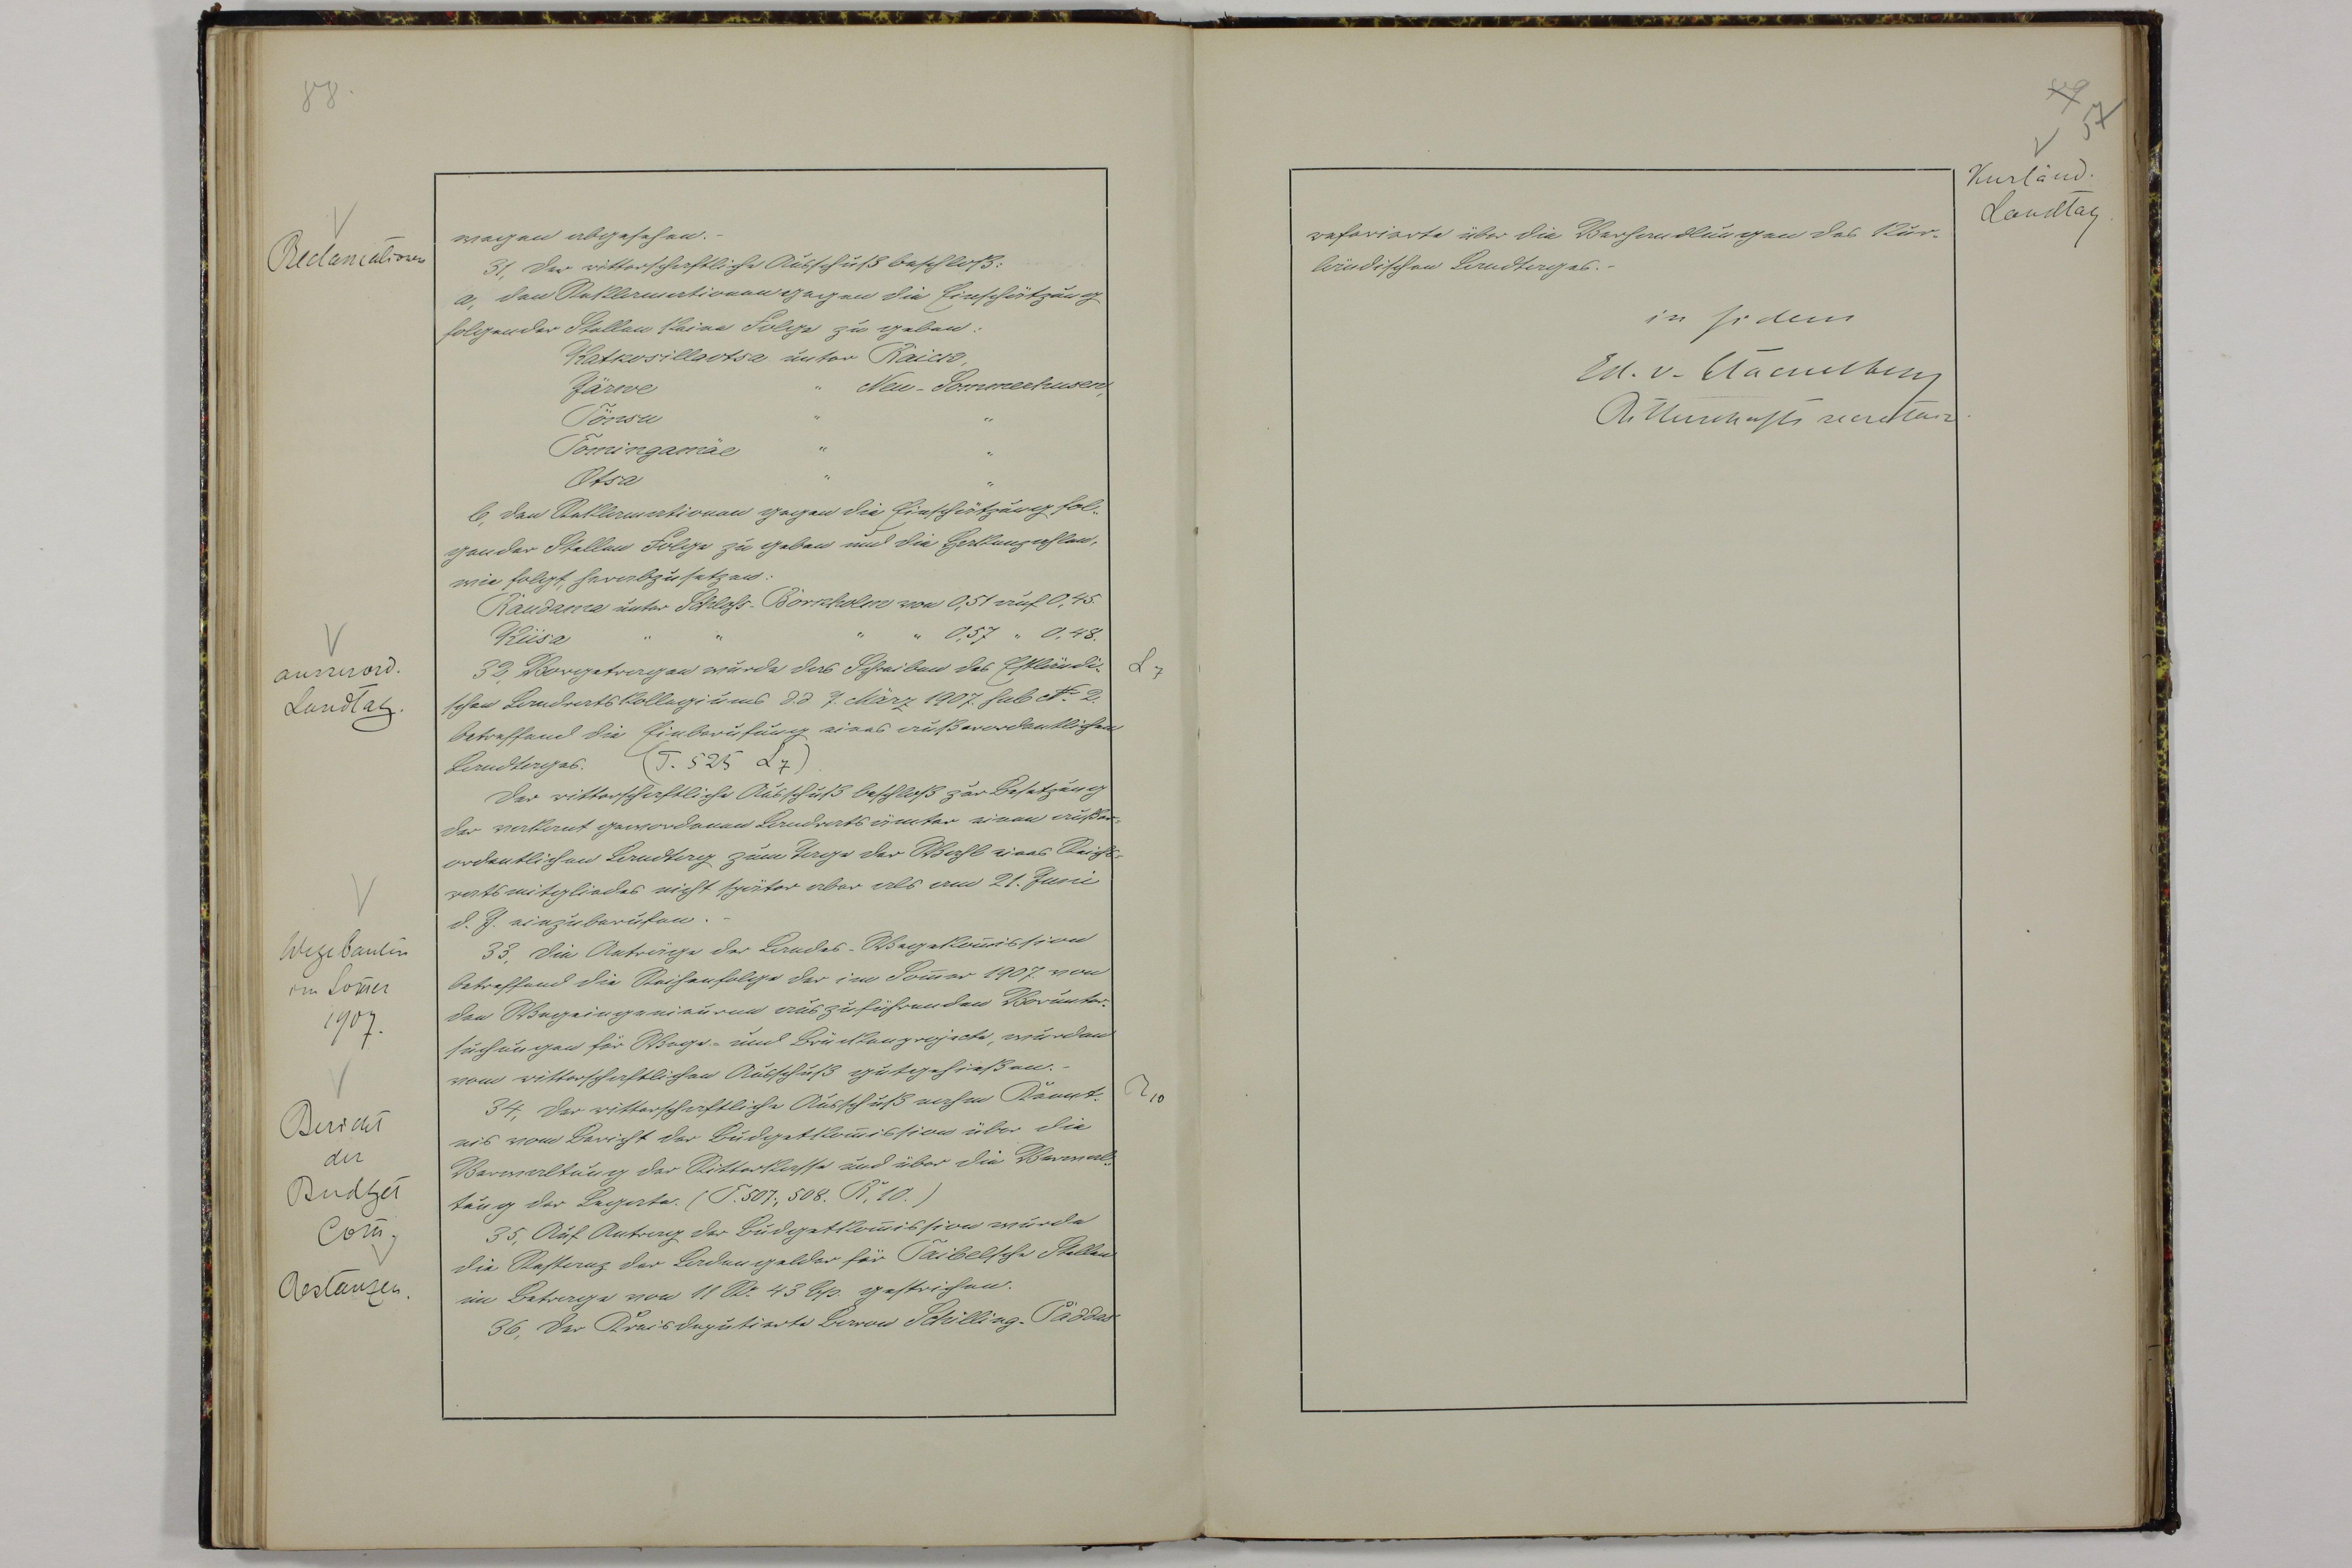Reclamationen
ausserord.
Landtag
Wegebauten
im Sommer
1907.
Bericht
der
Budget
Comm.
Restanzen
wegen abgesehen.
31. Der ritterschaftliche Ausschuß beschloß:
a. den Reklamationen gegen die Einschätzung
folgender Stellen keine Folge zu geben:
Katkosillaotsa unter Raick,
Järwe " Neu-Sommerhusen,
Tönsu
Tomingamäe
Otsa
b. den Reklamationen gegen die Einschätzung fol-
gender Stellen Folge zu geben und die Hakenzahlen,
wie folgt, herabzusetzen:
Raudama unter Schloss-Borkholm von 0,51 auf 0,45
Kiisa " " " " 0,57 " 0,48
32. Vorgetragen wurde das Schreiben des Estländi-
schen Landratskollegiums d.d. 7. März 1907. sub No. 2.
betreffend die Einberufung eines außerordentlichen
Landtages. (T.525 L7).
Der ritterschaftliche Ausschuß beschloß zur Besetzung
der vakant gewordenen Landratsämter einen außer-
ordentlichen Landtag zum Tage der Wahl eines Reichs-
ratsmitgliedes nicht später aber als am 21. Juni
d.J. einzuberufen.
33. Die Anträge der Landes-Wegekommission
betreffend die Reihenfolge der im Sommer 1907. von
den Wegeingenieuren auszuführenden Vorunter-
suchungen für Wege- und Brückenprojecte, wurden
vom ritterschaftlichen Ausschuß gutgehießen.
34. Der ritterschaftliche Ausschuß nahm Kennt-
nis vom Bericht der Budgetkommission über die
Verwaltung der Ritterkasse und über die Verwal-
tung der Legate. (T.507; 508. R.10.)
35. Auf Antrag der Budgetkommission wurde
die Restanz der Ladengelder für Taibelsche Stellen
im Betrage von 11 Ro. 43 Cop. gestrichen.
36. Der Kreisdeputierte Baron Schilling-Paddas
referierte über die Verhandlungen des kur-
ländischen Landtages.
in fidem
Ed. v. Stackelberg
Ritterschafts secretair
Kurländ.
Landtag